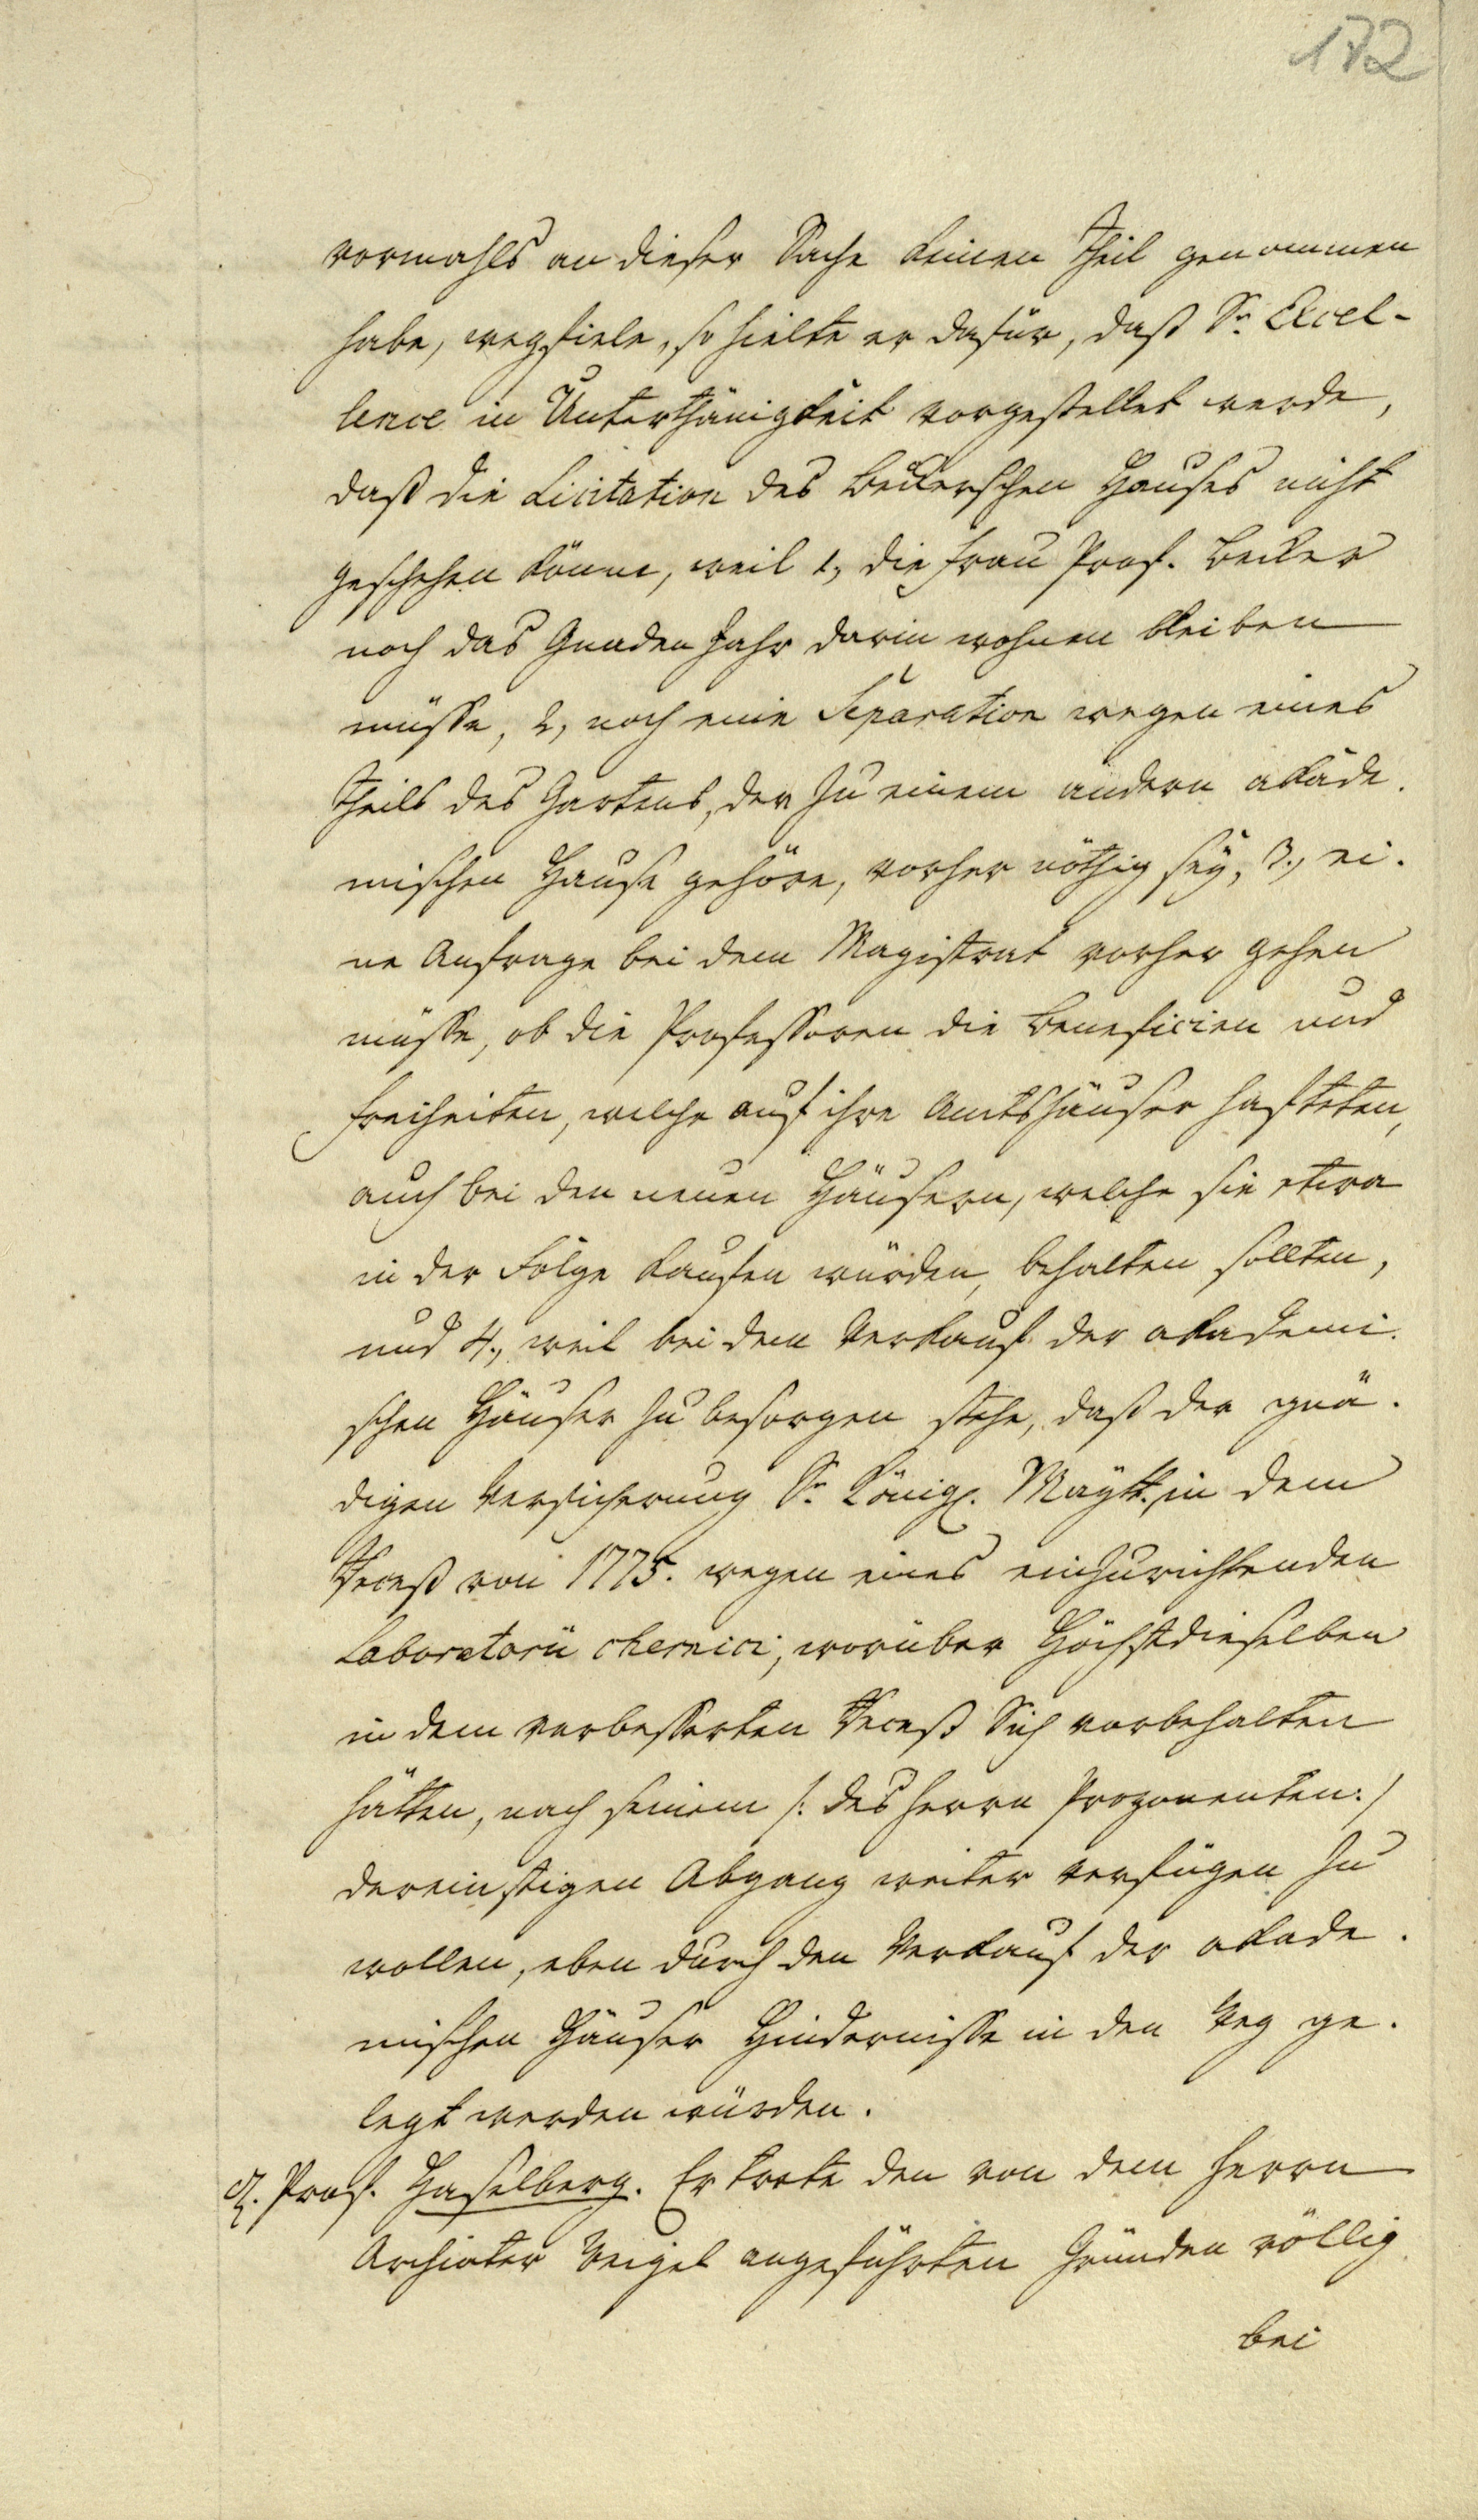vormahls an dieser Sache keinen Theil genommen
habe, wegfiele, so hielte er dafür, daß Sr. Excel¬
lence in Unterthänigkeit vorgestellet werde,
daß die Licitation des Beckerschen Hauses nicht
geschehen könne, weil 1., die Frau Prof. Becker
noch das Gnaden Jahr darin wohnen bleiben
müsse, 2, noch eine Separation wegen eines
Theils des Gartens, der zu einem andern akade¬
mischen Hause gehöre, vorher nöthig seÿ, 3, ei¬
ne Anfrage bei dem Magistrat vorher gehen
müsse, ob die Professoren die Beneficien und
Freiheiten, welche auf ihre Amtshäuser hafteten,
auch bei den neuen Häusern, welche sie etwa
in der Folge kaufen würden, behalten sollten,
und 4., weil bei dem Verkauf der akademi¬
schen Häuser zu besorgen stehe, daß der gnä¬
digen Versicherung Sr. Königl. Maÿtt. in dem
Receß von 1775. wegen eines einzurichtenden
Laboratorii chemici, worüber Höchstdieselben
in dem verbesserten Receß Sich vorbehalten
hätten, nach seinem /: des Herrn Proponenten ./
dereinstigen Abgang weiter verfügen zu
wollen, eben durch den Verkauf der akade¬
mischen Häuser Hindernisse in den Weg ge¬
legt werden würden.
dh. Prof. Haselberg. Er trete den von dem Herrn
Archiater Weigel angeführten Gründen völlig
bei.